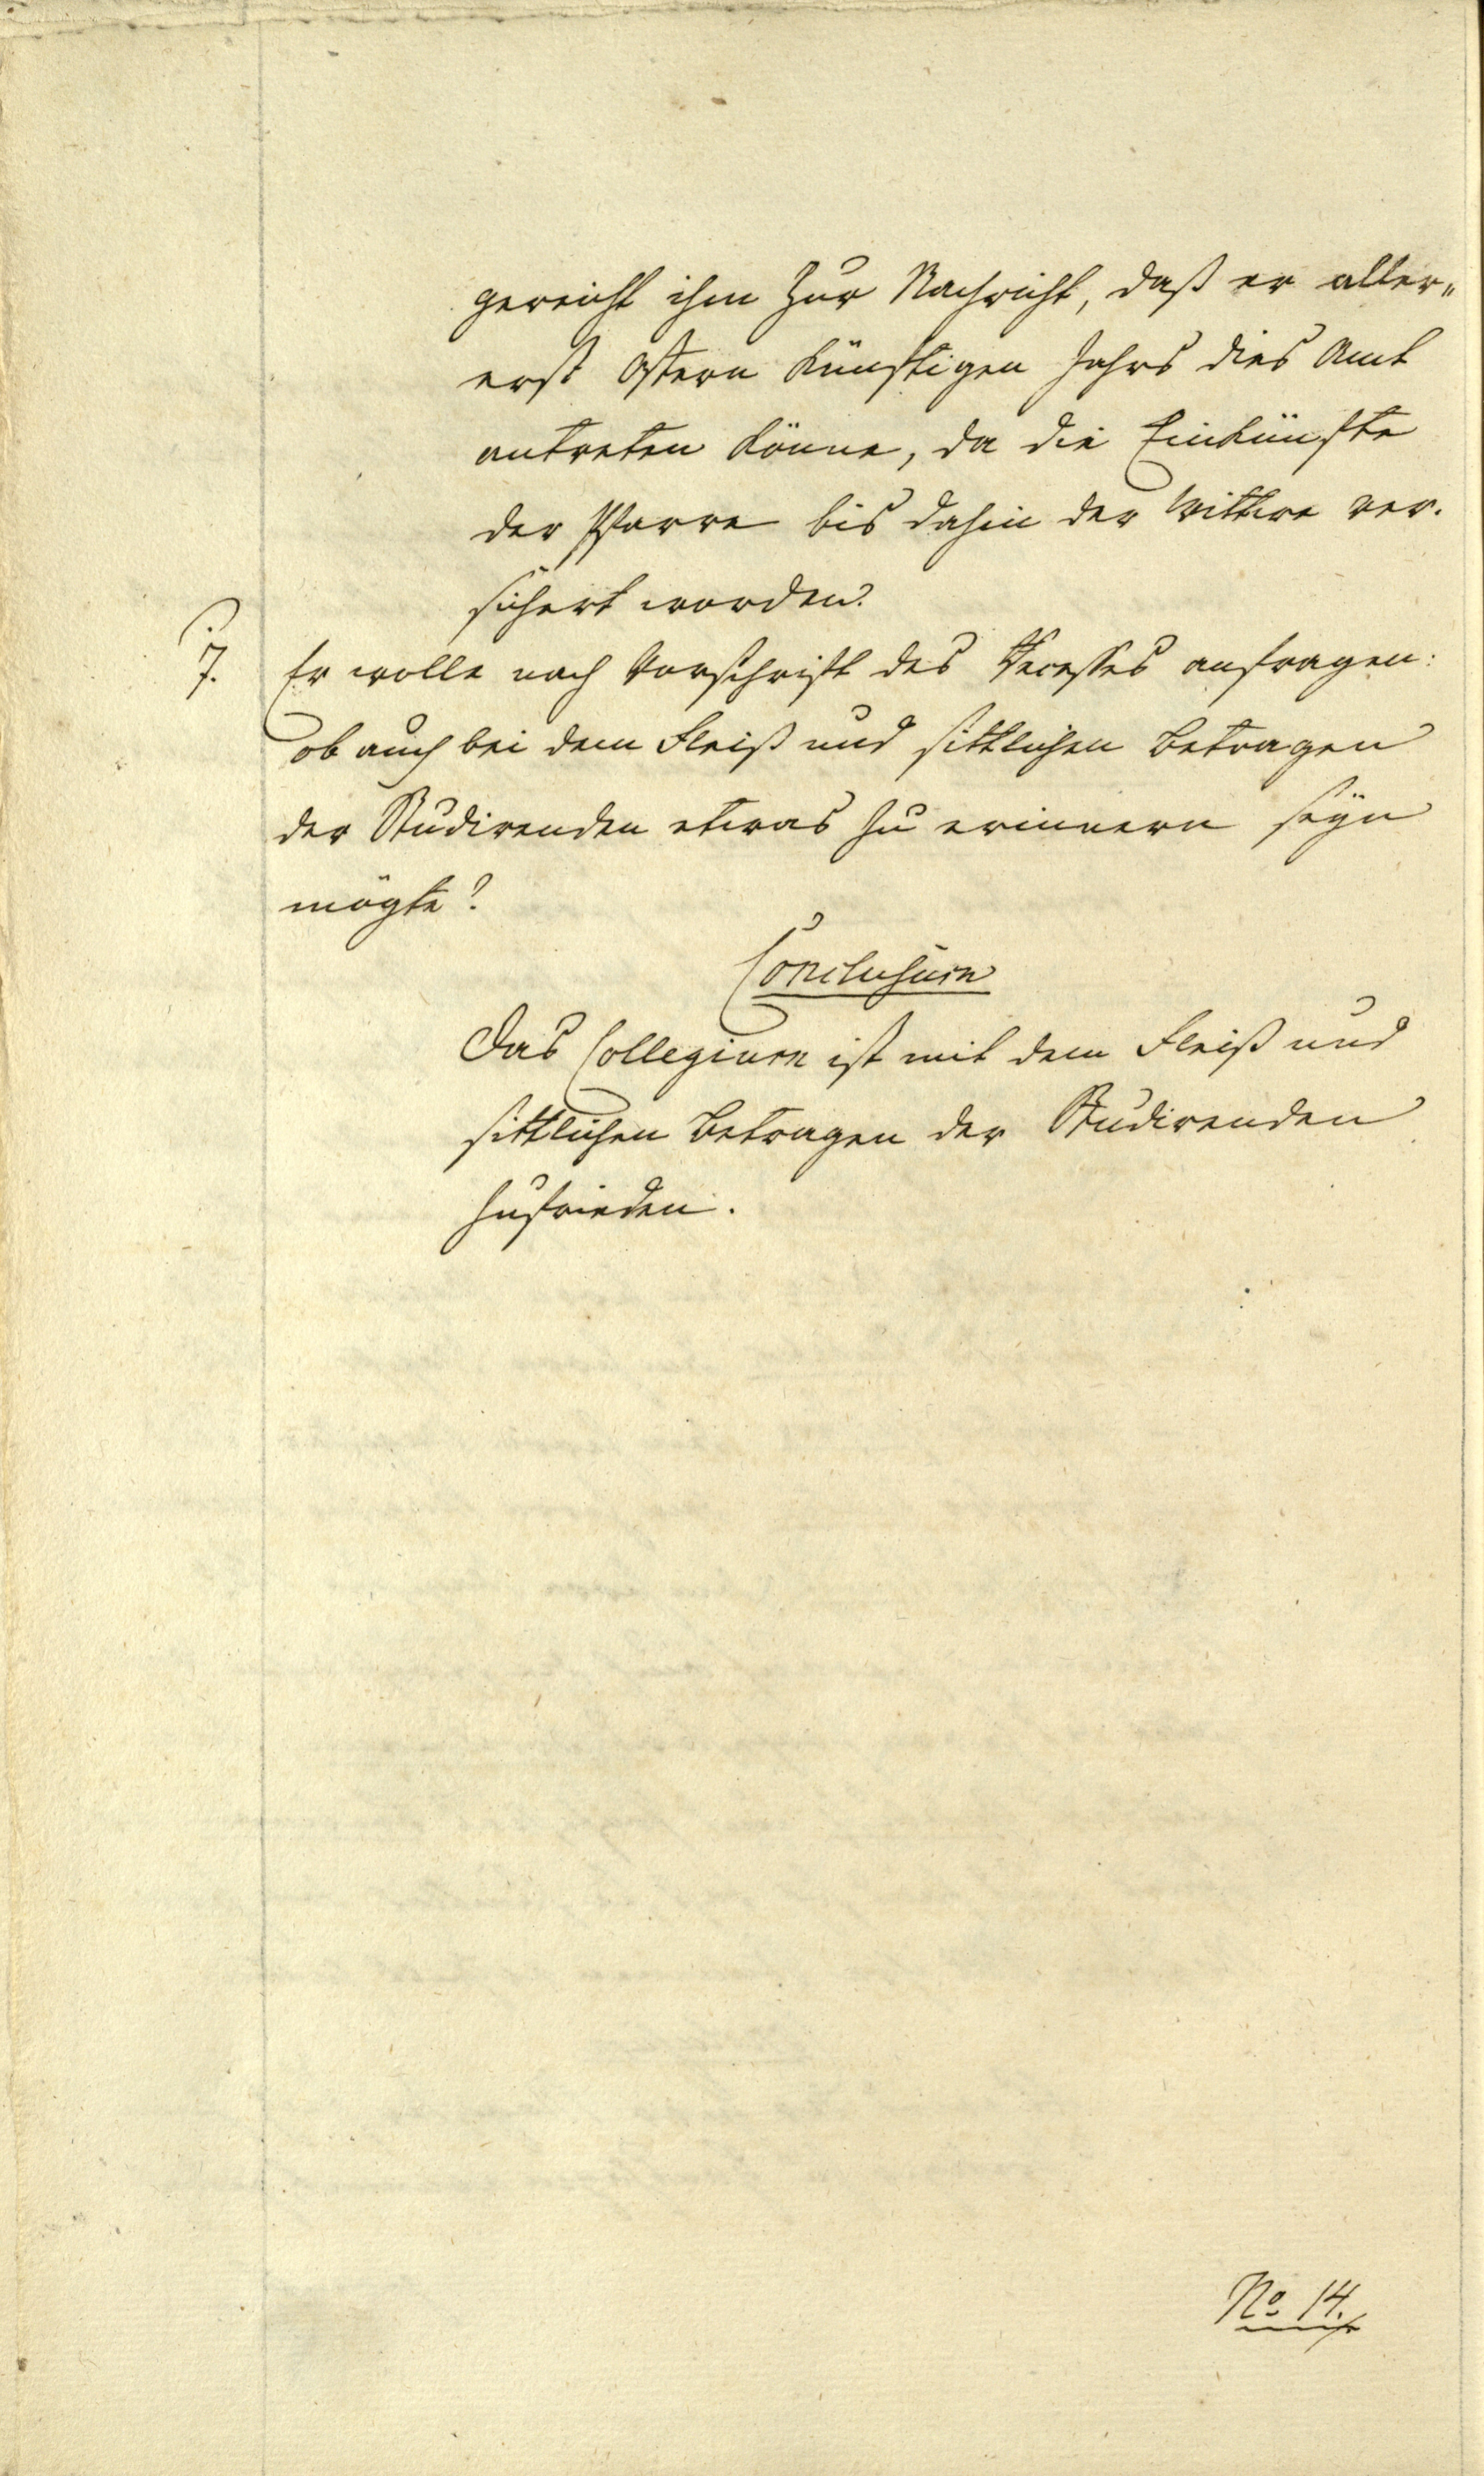gereicht ihm zur Nachricht, daß er aller¬
erst Ostern künftigen Jahrs dies Amt
antreten könne, da die Einkünfte
der Pfarre bis dahin der Wittwe ver¬
sichert worden.
7. Er wolle nach Vorschrift des Recesses anfragen:
ob auch bei dem Fleiß und sittlichen Betragen
der Studirenden etwas zu erinnern seÿn
mögte ?
Conclusum
Das Collegium ist mit dem Fleiß und
sittlichen Betragen der Studirenden
zufrieden.
No 14 .